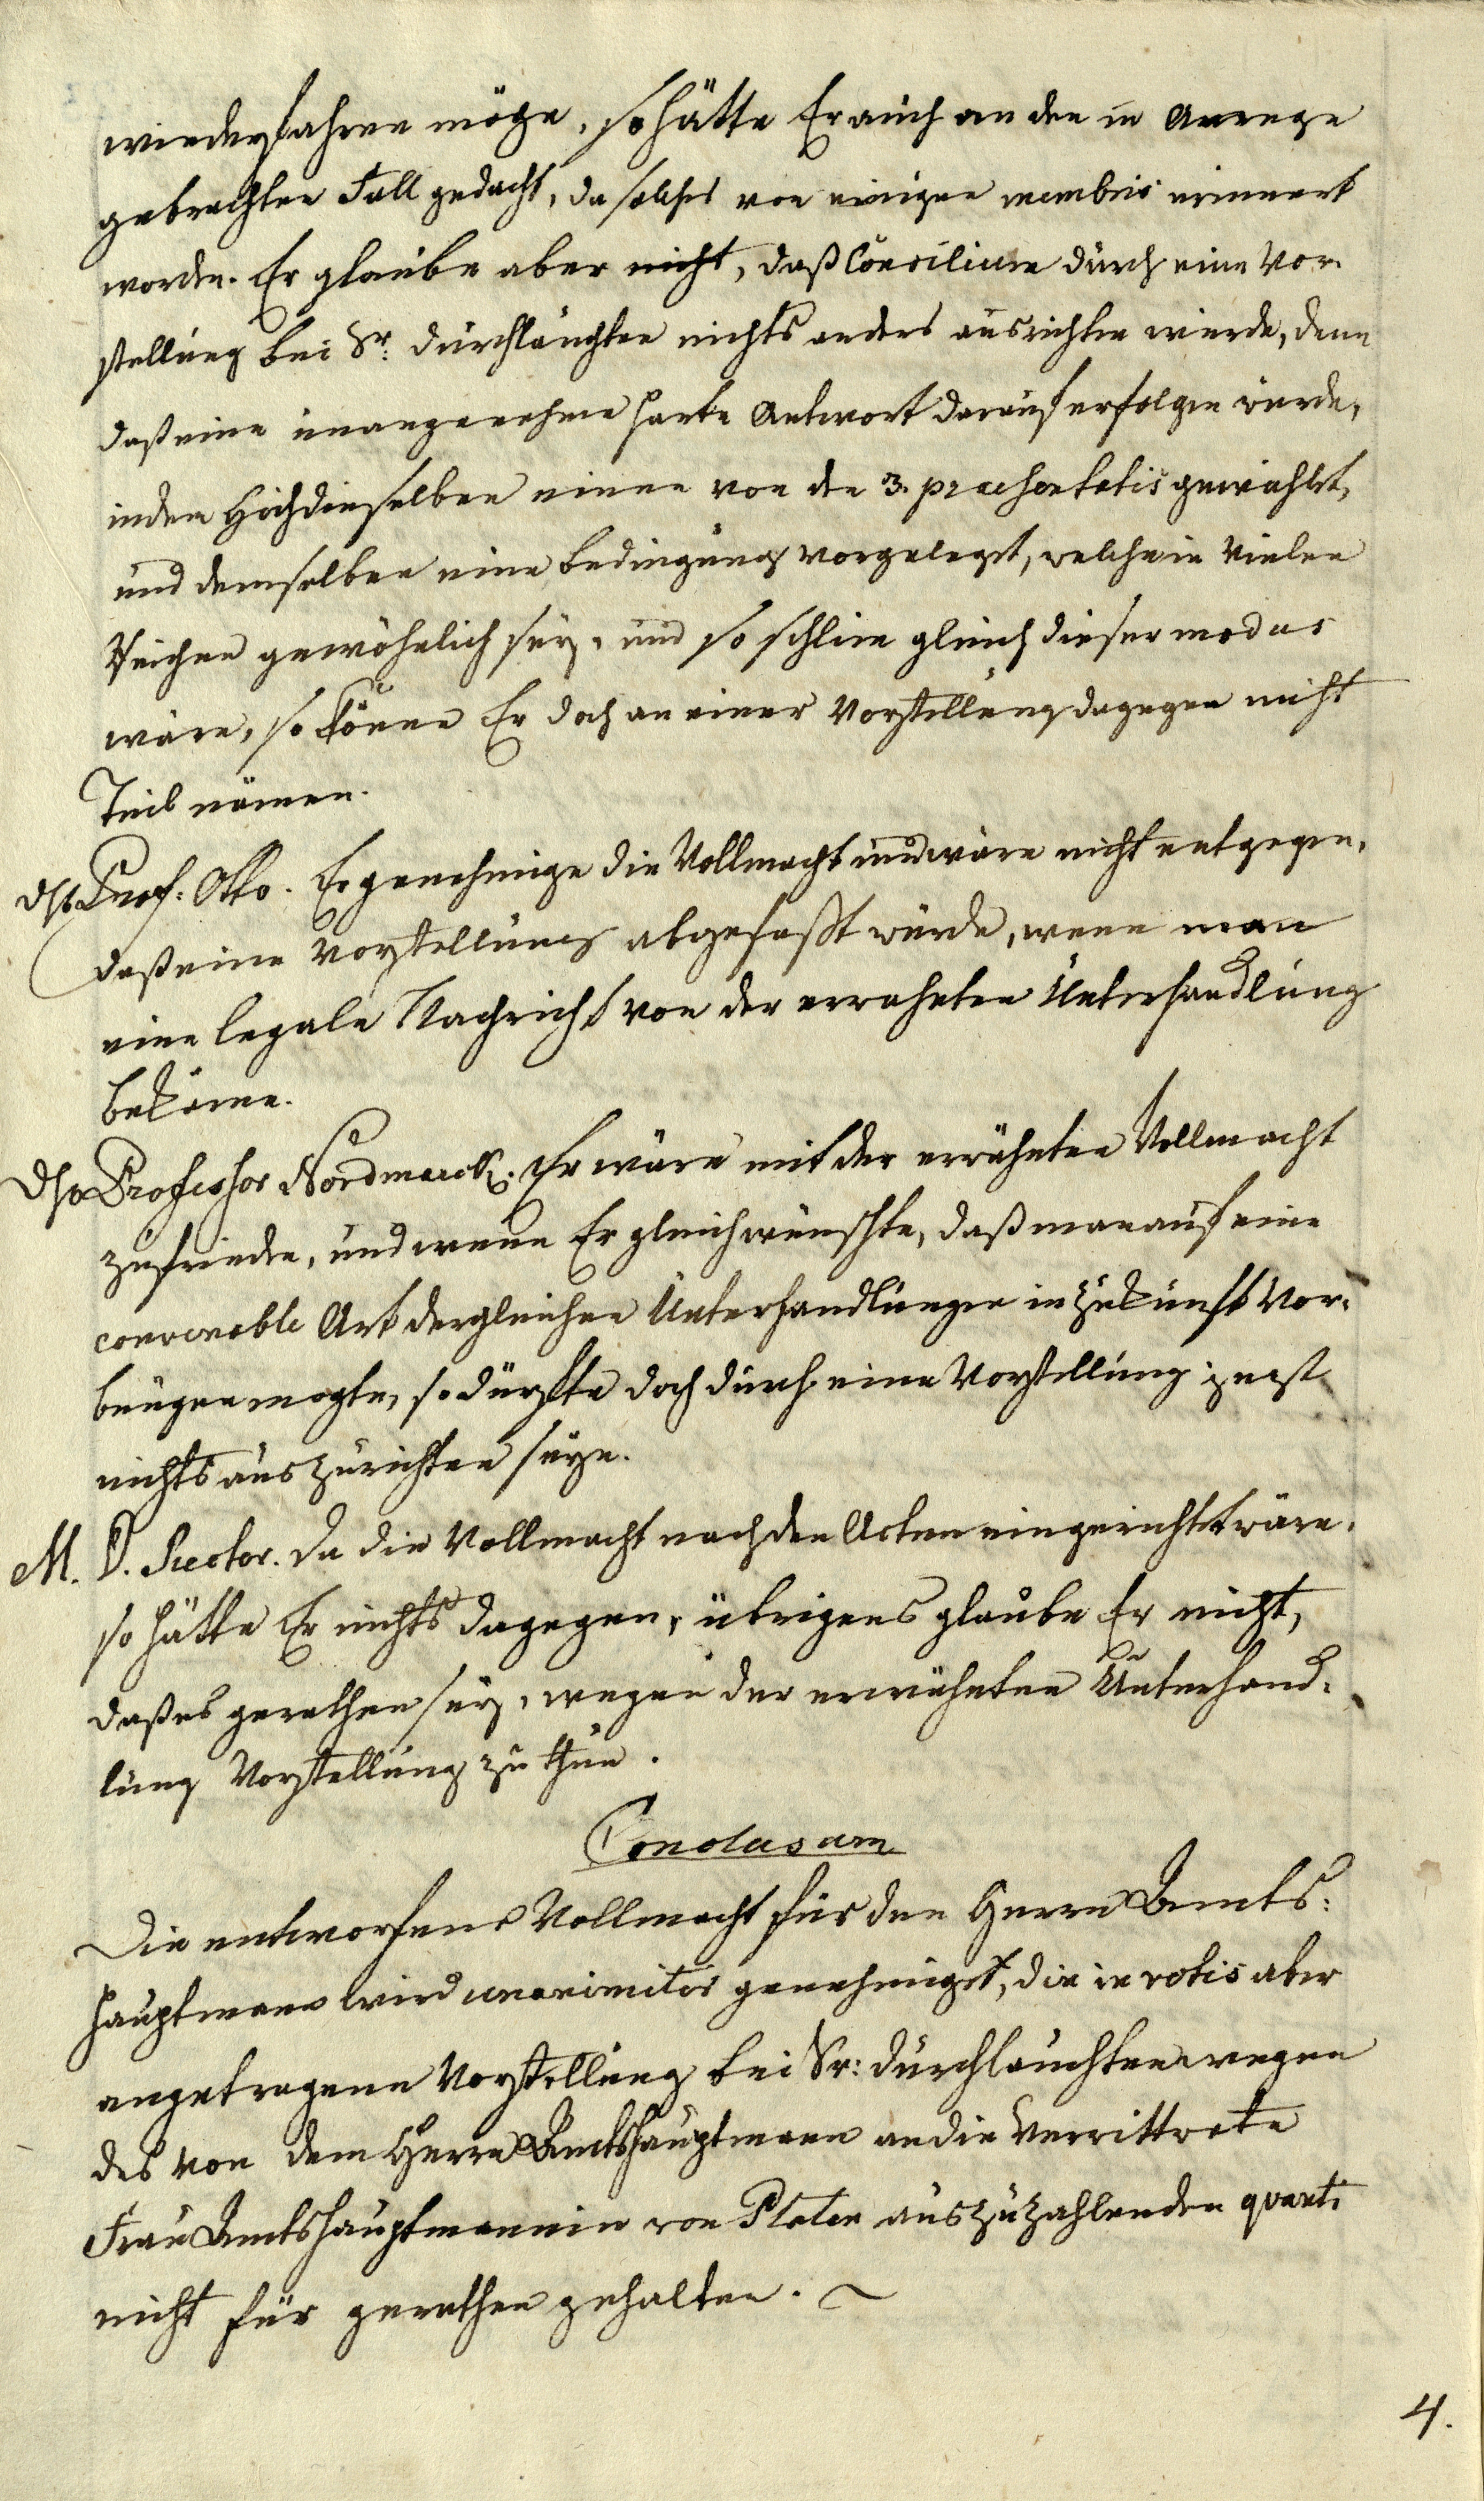wiederfahren möge, so hätte Er auch an den in Anrege
gebrachten Fall gedacht, da solches von einigen membris erinnert
worden. Er glaube aber nicht, daß Concilium durch eine Vor¬
stellung bei Sr Durchlauchten nichts anders ausrichten werde, denn
daß eine unangenehme harte Antwort darauf erfolgen würde,
indem Hochdenselben einen von den 3. praesentatis gewählet,
und demselben eine Bedingung vorgeleget, welchen vielen
Reichen gewöhnlich seÿ und so schlim gleich dieser modus
wäre, so könne Er doch an einer Vorstellung dagegen nicht
Teil nämen.
dh Prof. Otto. Er genehmige die Vollmacht und wäre nicht entgegen,
daß eine Vorstellung abgefaßt würde, wenn man
eine legale Nachricht von der erwähnten Unterhandlung
bekäme.
dh Professor Nordmarck. Er wäre mit der erwähnten Vollmacht
zufrieden, und wenn Er gleich wünschte, daß man auf eine
convenable Art dergleichen Unterhandlungen in Zukunft vor¬
beugen mogte, so dürfte doch durch eine Vorstellung jezt
nichts auszurichten seÿn.
M. D. Rector. Da die Vollmacht nachden Acten eingerichtet wäre,
so hätte Er nichts dagegen, übrigens glaube Er nicht,
daß es gerathen seÿ, wegen der erwähnten Unterhand¬
lung Vorstellung zu thun.
Conclusum
Die entworfene Vollmacht für den Herrn Amts¬
Hauptmann wird unanimiter genehmiget, die votis aber
angetragene Vorstellung bei Sr Durchlauchten wegen
des von dem Herrn Amtshauptmann an die verwittwete
Frau Amtshauptmannin von Platen auszuzahlenden quanti
nicht für gerathen gehalten.